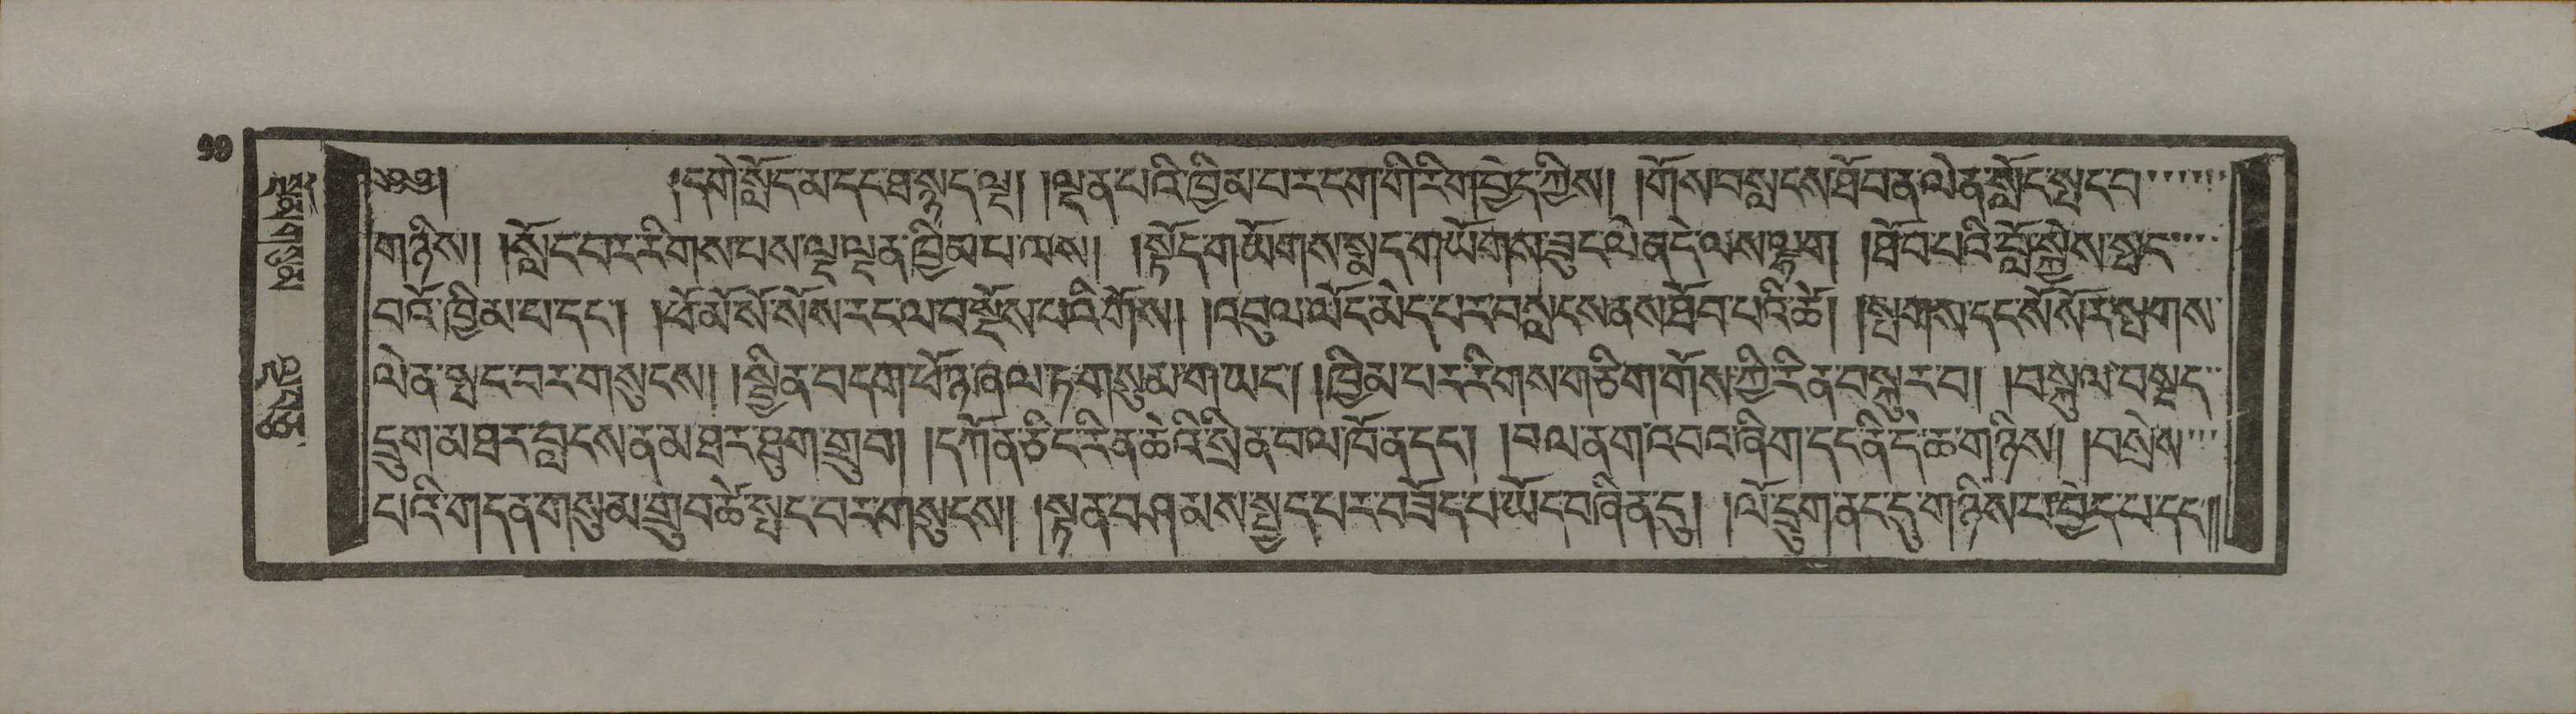༄༅། །དགེ་སློང་མ་དང་ཐ་སྙད་ལྔ། །ལྡན་པའི་ཁྱིམ་པར་དག་གི་རིག་བྱེད་ཀྱིས། །གོས་བསླངས་ཐོབ་ན་ལེན་སློང་སྤང་པ་
གཉིས། །སློང་བར་རིགས་པས་ལྔ་ལྡན་ཁྱིམ་པ་ལས། །སྟོད་གཡོགས་སྨད་གཡོགས་ཟུང་ལེན་དེ་ལས་ལྷག །ཐོབ་པའི་བློ་སྐྱེས་སྤང་
བའོ་ཁྱིམ་པ་དང་། །ཕོ་མོ་སོ་སོས་རང་ལ་བསྔོས་པའི་གོས། །འབུལ་ལོང་མེད་པར་བསླངས་ནས་ཐོབ་པའི་ཚེ། །སྤགས་དང་སོ་སོར་སྤགས་
ལེན་སྤང་བར་གསུངས། །སྦྱིན་བདག་ཕོ་ཉ་ཞལ་ཏ་གསུམ་ག་ཡང་། །ཁྱིམ་པར་རིགས་གཅིག་གོས་ཀྱི་རིན་བསྐུར་བ། །བསྐུལ་བསྡད་
དྲུག་མཐར་བླངས་ན་མཐར་ཐུག་གྲུབ། །དཀོན་ཅིང་རིན་ཆེའི་སྲིན་པ་ལ་ཁོ་ན་དང་། །བལ་ནག་འབའ་ཞིག་དང་ནི་དེ་ཆ་གཉིས། །བསྲེས་
པའི་གདན་གསུམ་གྲུབ་ཚེ་སྤང་བར་གསུངས། །སྟན་བཤམས་སྤྱད་པར་བཟོད་པ་ཡོད་བཞིན་དུ། །ལོ་དྲུག་ནང་དུ་གཉིས་པ་བྱེད་པ་དང་། །